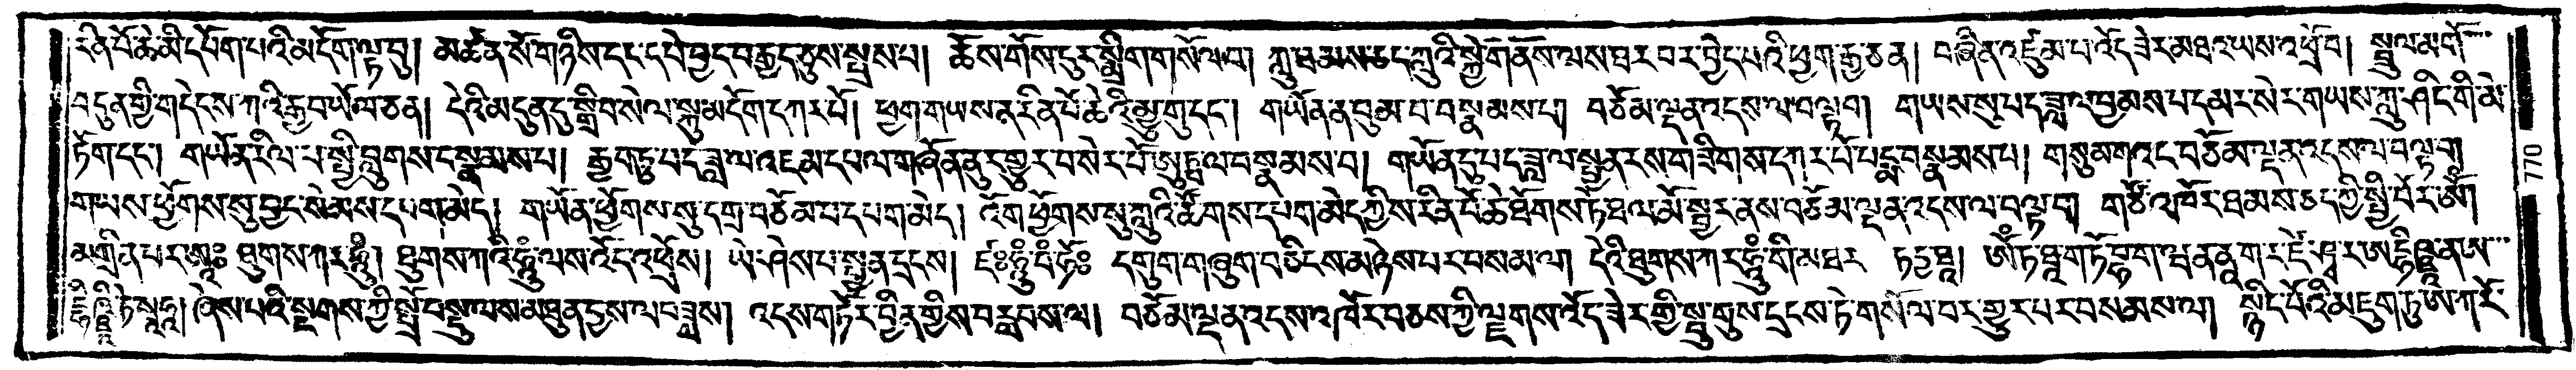རིན་པོ་ཆེ་མི་དཔོག་པའི་མདོག་ལྟ་བུ། མཚན་སོ་གཉིས་དང་དཔེ་བྱད་བརྒྱད་ཅུས་སྤྲས་པ། ཆོས་གོས་དུར་སྨྲིག་གསོལ་བ། ཀླུ་ཐམས་ཅད་ཀླུའི་སྐྱེ་གནས་ལས་ཐར་བར་བྱེད་པའི་ཕྱག་རྒྱ་ཅན། བཞིན་འཛུམ་པ་འོད་ཟེར་མཐའ་ཡས་འཕྲོ་བ། སྦྲུལ་མགོ་
བདུན་གྱི་གདེངས་ཀའི་རྒྱབ་ཡོལ་ཅན། དེའི་མདུན་དུ་སྒྲིབ་སེལ་སྐུ་མདོག་དཀར་པོ། ཕྱག་གཡས་ན་རིན་པོ་ཆེའི་མྱུ་གུ་དང་། གཡོན་ན་བུམ་པ་བསྣམས་པ། བཅོམ་ལྡན་འདས་ལ་བལྟབ། གཡས་སུ་བད་ཟླ་ལ་བྱམས་པ་དམར་སེར་གཡས་ཀླུ་ཤིང་གི་མེ་
ཏོག་དང་། གཡོན་རིལ་པ་སྤྱི་བླུགས་བསྣམས་པ། རྒྱབ་ཏུ་པད་ཟླ་ལ་འཇམ་དཔལ་གཞོན་ནུར་གྱུར་པ་སེར་པོ་ཨུཏྤལ་བསྣམས་བ། གཡོན་དུ་པད་ཟླ་ལ་སྤྱན་རས་གཟིགས་དཀར་པོ་པདམ་བསྣམས་པ། གསུམ་གའང་བཅོམ་ལྡན་འདས་ལ་བལྟ་བ།
གཡས་ཕྱོགས་སུ་བྱང་སེམས་དཔག་མེད། གཡོན་ཕྱོགས་སུ་དགྲ་བཅོམ་པ་དཔག་མེད། འོག་ཕྱོགས་སུ་ཀླུའི་ཚོགས་དཔག་མེད་ཀྱིས་རིན་པོ་ཆེ་ཐོགས་ཏེ་ཐལ་མོ་སྦྱར་ནས་བཅོམ་ལྡན་འདས་ལ་བལྟ་བ། གཙོ་འཁོར་ཐམས་ཅད་ཀྱི་སྤྱི་པར་ཨོཾ།
མགྲིན་པར་ཨཱཿ ཐུགས་ཀར་ཧཱུཾ། ཐུགས་ཀའི་ཧཱུཾ་ལས་འོད་འཕྲོས། ཡེ་ཤེས་པ་སྤྱན་དྲངས། ཛཿ ཧཱུཾ་བཾ་ཧོཿ དགུག་གཞུག་བཅིངས་མཉེས་པར་བསམ་ལ། དེའི་ཐུགས་ཀར་ཧཱུཾ་གི་མཐར་ཏ་དྱ་ཐཱ། ཨོཾ་ཏ་ཐཱ་ག་ཏོ་བྷ་ག་ཝན་ནཱ་ག་ར་ཛེ་ཤྭ་ར་ཨ་དྷི་ཥྵཱ་ན་ཨ་
དྷི་ཥཊཿཨཱ་ཏེ་སཱ་ཧཱ། ཞེས་པའི་སྔགས་ཀྱི་སྤྲོ་བསྡུ་ལས་མཐུན་བྱས་ལ་བཟླས། འདས་གཏོར་བྱིན་གྱིས་བརླབས་ལ། བཅོམ་ལྡན་འདས་འཁོར་བཅས་ཀྱི་ལྗགས་འོད་ཟེར་གྱི་སྦུ་གུས་དྲངས་ཏེ་གསེལ་བར་གྱུར་པར་བསམས་ལ། སྙིང་པོའི་མཇུག་ཏུ་ཨ་ཀར་